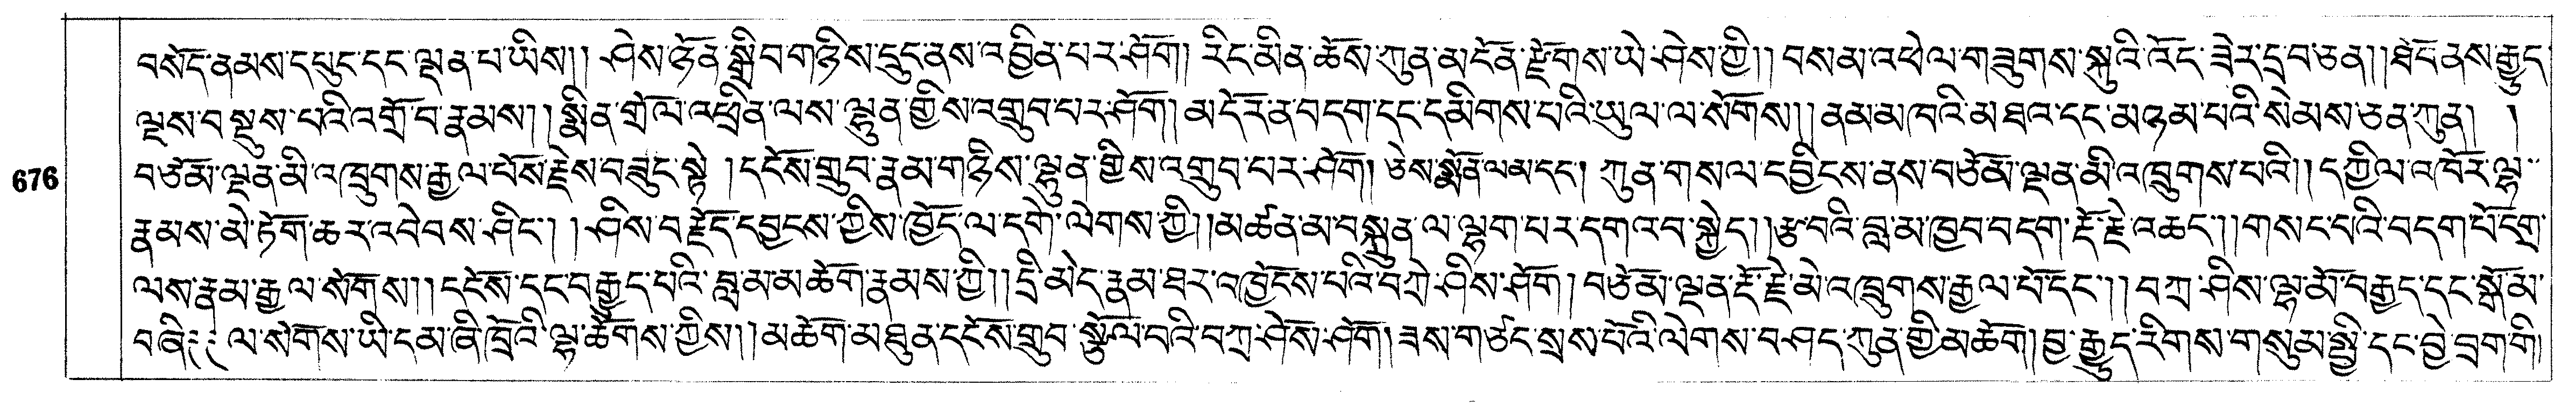བསོད་ནམས་དཔུང་དང་ལྡན་པ་ཡིས། །ཤེས་ཉོན་སྒྲིབ་གཉིས་དྲུང་ནས་འབྱིན་པར་ཤོག །རིང་མིན་ཆོས་ཀུན་མངོན་རྫོགས་ཡེ་ཤེས་ཀྱི། །བསམ་འཕེལ་གཟུགས་སྐུའི་འོད་ཟེར་དྲ་བ་ཅན། །ཐོབ་ནས་རྒྱུད་
ལྔས་བསྡུས་པའི་འགྲོ་བ་རྣམས། །སྨིན་གྲོལ་འཕྲིན་ལས་ལྷུན་གྱིས་འགྲུབ་པར་ཤོག །མདོར་ན་བདག་དང་དམིགས་པའི་ཡུལ་ལ་སོགས། །ནམ་མཁའི་མཐའ་དང་མཉམ་པའི་སེམས་ཅན་ཀུན། །
བཅོམ་ལྡན་མི་འཁྲུགས་རྒྱལ་པོས་རྗེས་བཟུང་སྟེ། དངོས་གྲུབ་རྣམ་གཉིས་ལྷུན་གྱིས་འགྲུབ་པར་ཤོག །ཅེས་སྨོན་ལམ་དང་། ཀུན་གསལ་དབྱིངས་ནས་བཅོམ་ལྡན་མི་འཁྲུགས་པའི། །དཀྱིལ་འཁོར་ལྷ་
རྣམས་མེ་ཏོག་ཆར་འབེབས་ཤིང་། །ཤིས་བརྗོད་དབྱངས་ཀྱིས་ཁྱོད་ལ་དགེ་ལེགས་ཀྱི། །མཚན་མ་བསྐྲུན་ལ་ལྷག་པར་དགའ་བ་སྐྱེད། །རྩ་བའི་བླ་མ་ཁྱབ་བདག་རྡོ་རྗེ་འཆང་། །གསང་བའི་བདག་པོ་དགྲ་
ལས་རྣམ་རྒྱལ་སོགས། །དངོས་དང་བརྒྱུད་པའི་བླ་མ་མཆོག་རྣམས་ཀྱི། །དྲི་མེད་རྣམ་ཐར་འཁྱོངས་པའི་བཀྲེ་ཤིས་ཤོག །བཅོམ་ལྡན་རྡོ་རྗེ་མེ་འཁྲུགས་རྒྱལ་པོ་དང་། །བཀྲ་ཤིས་ལྷ་མོ་བརྒྱད་དང་སྒོ་མ་
བཞི༑ ༑ལ་སོགས་ཡི་དམ་ཞི་ཁྲོའི་ལྷ་ཚོགས་ཀྱིས། །མཆོག་མཐུན་དངོས་གྲུབ་སྩོལ་བའི་བཀྲ་ཤོས་ཤོག །ཟས་གཙང་སྲས་པོའི་ལེགས་བཤད་ཀུན་གྱི་མཆོག །བྱ་རྒྱུད་རིགས་གསུམ་སྤྱི་དང་བྱེ་བྲག་གི།